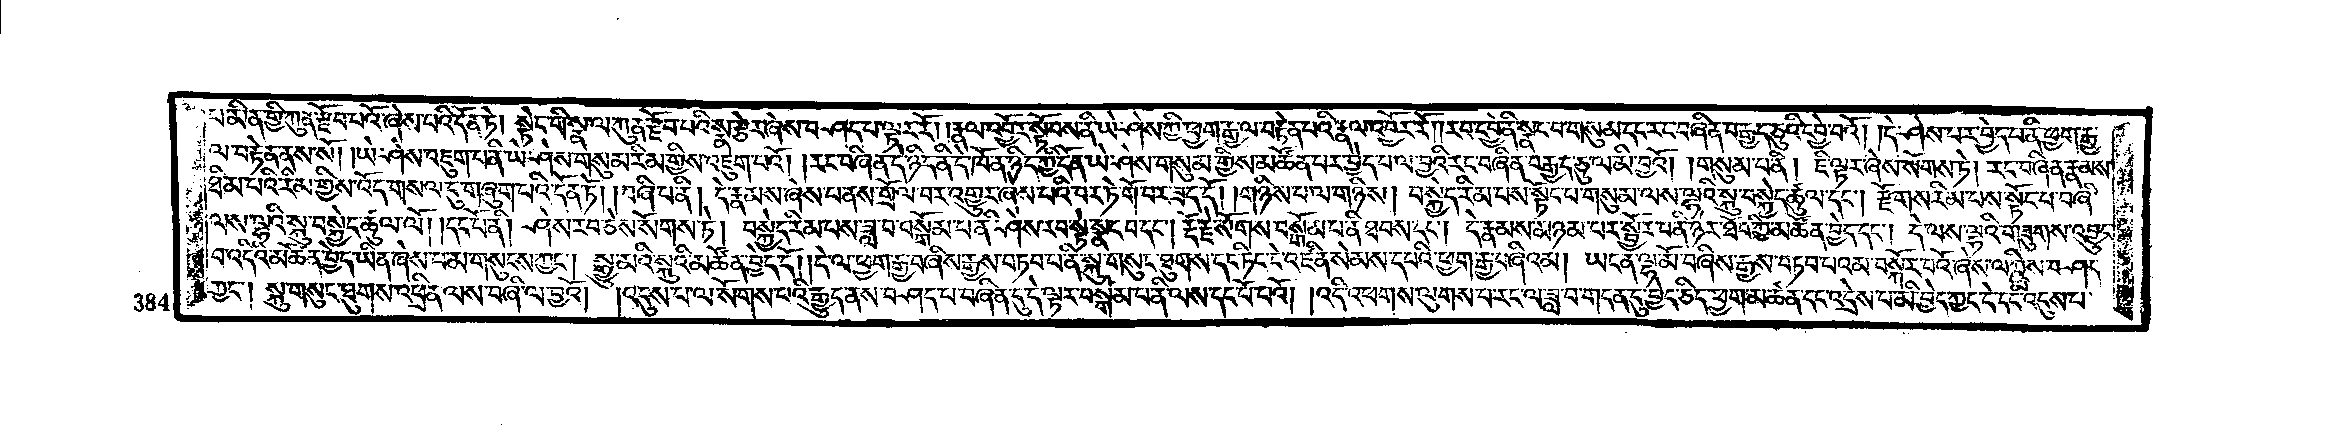པ་མིན་གྱི་ཀུན་རྫོབ་པའོ་ཞེས་པའི་དོན་ཏེ། སྟེང་གི་སྣ་ལ་ཀུན་རྫོབ་པའི་སྣ་རྩེར་ཞེས་བཤད་པ་ལྟར་རོ། །རྣལ་འབྱོར་སྟོབས་ནི་ཡེ་ཤེས་ཀྱི་ཕྱག་རྒྱ་ལ་བརྟེན་པའི་རྣལ་འབྱོར་རོ། །རབ་དབྱེ་ནི་སྣང་བ་གསུམ་དང་རང་བཞིན་བརྒྱད་ཅུའི་དབྱེ་བའོ། །དེ་ཤེས་པར་བྱེད་པ་ནི་ཕྱག་རྒྱ་
ལ་བརྟེན་ནས་སོ། །ཡེ་ཤེས་འཇུག་པ་ནི་ཡེ་ཤེས་གསུམ་རིམ་གྱིས་འཇུག་པའོ། །རང་བཞིན་དེ་ཉིད་ནི་དེ་ཁོ་ན་ཉིད་ཀྱི་དོན་ཡེ་ཤེས་གསུམ་གྱིས་མཚོན་པར་བྱེད་པ་ལ་བྱའི་རང་བཞིན་བརྒྱད་ཅུ་ལ་མི་བྱའོ། །གསུམ་པ་ནི། ཇི་ལྟར་ཞེས་སོགས་ཏེ། རང་བཞིན་རྣམས་
ཐིམ་པའི་རིམ་གྱིས་འོད་གསལ་དུ་གཞུག་པའི་དོན་ཏོ། །བཞི་པ་ནི། དེ་རྣམས་ཞེས་པ་ནས་གྲོལ་བར་འགྱུར་ཞེས་པའི་བར་ཏེ་གོ་བར་ཟད་དོ། །གཉིས་པ་ལ་གཉིས། བསྐྱེད་རིམ་པས་སྟོང་པ་གསུམ་ལས་ལྷའི་སྐུ་བསྐྱེད་ཚུལ་དང་། རྫོགས་རིམ་པས་སྟོང་པ་བཞི་
ལས་ལྷའི་སྐུ་བསྐྱེད་ཚུལ་ལོ། །དང་པོ་ནི། ཤེས་རབ་ཅེས་སོགས་ཏེ། བསྐྱེད་རིམ་པས་ཟླ་བ་བསྒོམ་པ་ནི་ཤེས་རབ་སྟེ་སྣང་བ་དང་། རྡོ་རྗེ་སོགས་བསྒོམ་པ་ནི་ཐབས་དང་། དེ་རྣམས་མཉམ་པར་སྦྱོར་བ་ནི་ཉེར་ཐོབ་ཀྱི་མཚོན་བྱེད་དང་། དེ་ལས་ལྷའི་གཟུགས་འབྱུང་
བ་འདིའི་མཚོན་བྱེད་ཡིན་ཞེས་པ་མ་གསུངས་ཀྱང་། སྒྱུ་མའི་སྐུའི་མཚོན་བྱེད་དོ། །དེ་ལ་ཕྱག་རྒྱ་བཞིས་རྒྱས་བཏབ་པ་ནི་སྐུ་གསུང་ཐུགས་དང་ཏིང་ངེ་འཛིན་སེམས་དཔའི་ཕྱག་རྒྱ་བཞིའམ། ཡང་ན་ལྷ་མོ་བཞིས་རྒྱས་བཏབ་པའམ། བསྐོར་བའོ་ཞེས་ལཀྵྨིས་བཤད་
ཀྱང་། སྐུ་གསུང་ཐུགས་འཕྲིན་ལས་བཞི་ལ་བྱའོ། །འདུས་པ་ལ་སོགས་པའི་རྒྱུད་ནས་བཤད་པ་བཞིན་དུ་དེ་ལྟར་བསྒོམ་པ་ནི་ལས་དང་པོ་པའོ། །འདི་འཕགས་ལུགས་པ་རང་ལ་ཟླ་བ་གདན་དུ་བྱེད་ཅིང་ཕྱག་མཚན་དང་འདྲེས་པ་མི་བྱེད་ཀྱང་དེ་དང་འདུས་པ་